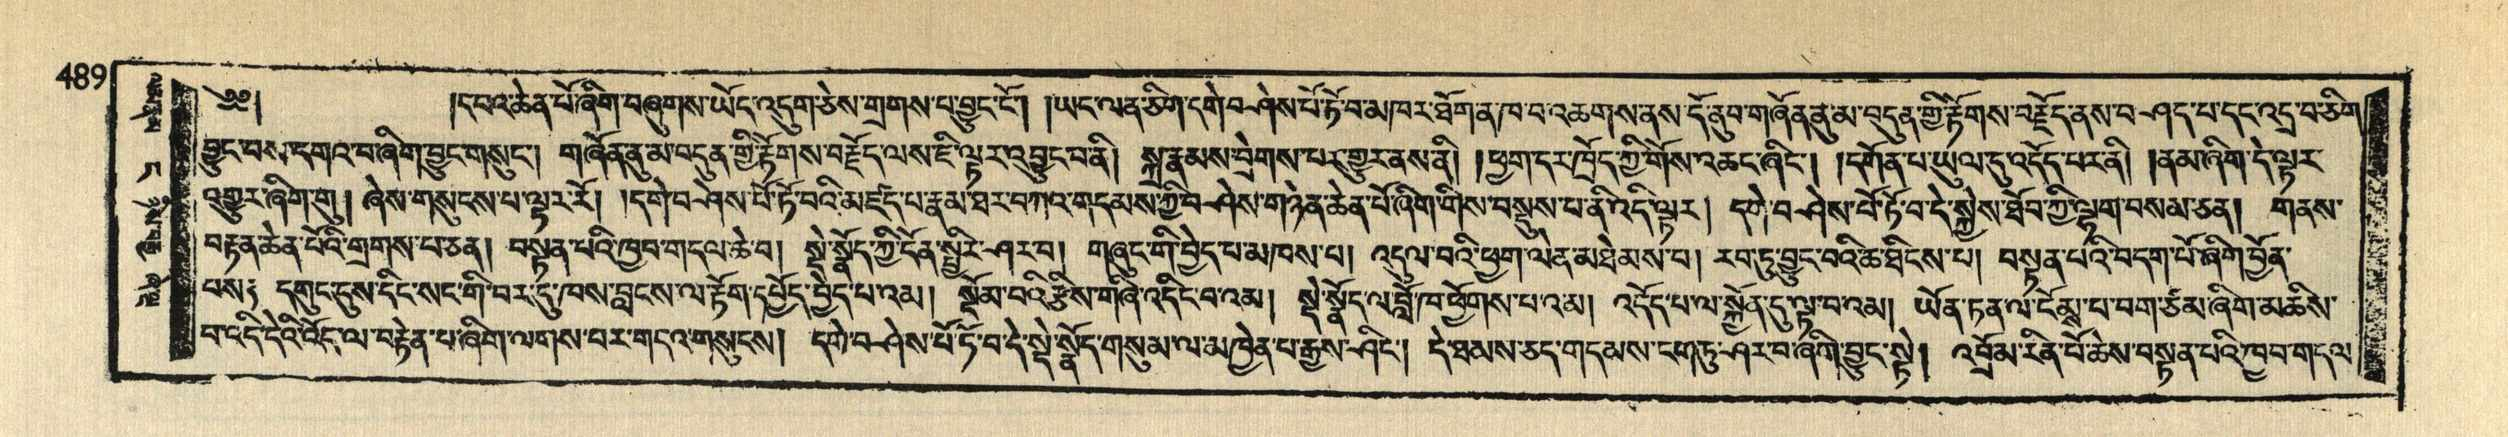༄༅། །དཔའ་ཆེན་པོ་ཞིག་བཞུགས་ཡོད་འདུག་ཅེས་གྲགས་པ་བྱུང་ངོ། །ཡང་ལན་ཅིག་དགེ་བཤེས་པོ་ཏོ་བ་མཁར་ཐོག་ན་ཁ་བ་འཆགས་ནས་དོ་ནུབ་གཞོན་ནུ་མ་བདུན་གྱི་རྟོགས་བརྗོད་ནས་བཤད་པ་དང་འདྲ་བ་ཅིག་
བྱུང་བས་དགའ་བ་ཞིག་བྱུང་གསུང་། གཞོན་ནུ་མ་བདུན་གྱི་རྟོགས་བརྗོད་ལས་ཇི་ལྟར་འབྱུང་བ་ནི། སྐྲ་རྣམས་བྲེགས་པར་གྱུར་ནས་ནི། །ཕྱག་དར་ཁྲོད་ཀྱི་གོས་འཆང་ཞིང་། །དགོན་པ་ཡུལ་དུ་འདོད་པར་ནི། །ནམ་ཞིག་དེ་ལྟར་
འགྱུར་ཞིག་གུ །ཞེས་གསུངས་པ་ལྟར་རོ། །དགེ་བཤེས་པོ་ཏོ་བའི་མཛད་པ་རྣམ་ཐར་བཀའ་གདམས་ཀྱི་བཤེས་གཉེན་ཆེན་པོ་ཞིག་གིས་བསྡུས་པ་ནི་འདི་ལྟར། དགེ་བཤེས་པོ་ཏོ་བ་དེ་སྐྱེས་ཐོབ་ཀྱི་ལྷག་བསམ་ཅན། གནས་
བརྟན་ཆེན་པོའི་གྲགས་པ་ཅན། བསྟན་པའི་ཁྱབ་གདལ་ཆེ་བ། སྡེ་སྣོད་ཀྱི་དོན་སྤྱིར་ཤར་བ། གཞུང་གི་བྱེད་པ་མཁས་པ། འདུལ་བའི་ཕྱག་ལེན་མཐེམས་པ། རབ་ཏུ་བྱུང་བའི་ཆ་ཐིངས་པ། བསྟན་པའི་བདག་པོ་ཞིག་བྱོན་
པས༑ དགུང་དུས་དིང་སང་གི་བར་དུ་ཁས་བླངས་ལ་རྟོག་དཔྱོད་བྱེད་པ་འམ། སྡོམ་བའི་རྩིས་གཞི་འདིང་བའམ། སྡེ་སྣོད་ལ་བློ་ཁ་ཕྱོགས་པ་འམ། འདོད་པ་ལ་སྐྱོན་དུ་ལྟ་བའམ། ཡོན་ཏན་ལ་ངོམས་པ་བག་ཙམ་ཞིག་མཆིས་
བ་འདི་དེའི་འོང་ལ་བརྟེན་པ་ཞིག་ལགས་པར་གདའ་གསུངས། དགེ་བཤེས་པོ་ཏོ་བ་དེ་སྡེ་སྣོད་གསུམ་ལ་མཁྱེན་པ་རྒྱས་ཤིང་། དེ་ཐམས་ཅད་གདམས་ངག་ཏུ་ཤར་བ་ཞིག་བྱུང་སྟེ། འབྲོམ་རིན་པོ་ཆེས་བསྟན་པའི་ཁྱབ་གདལ་